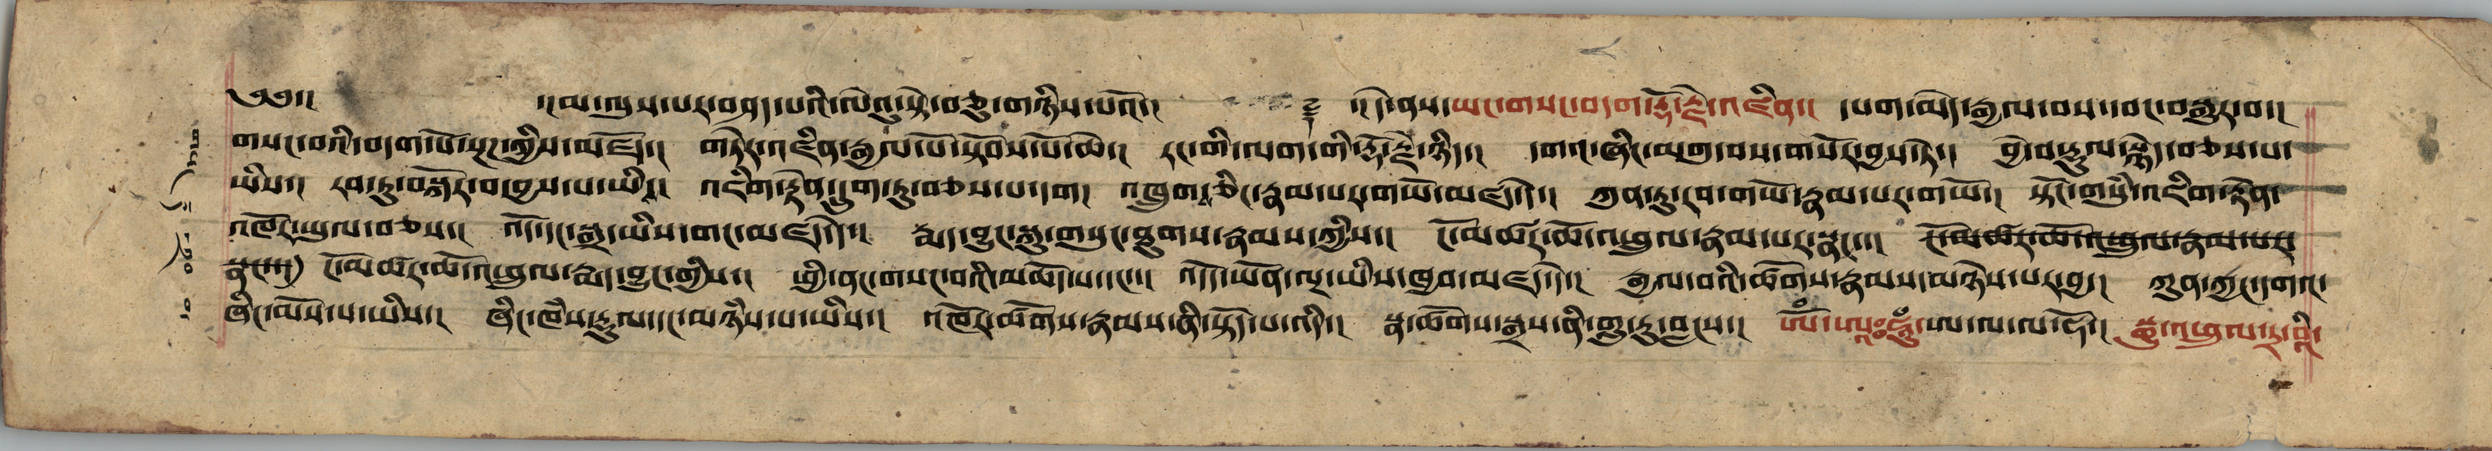༄༅་། ་།མ་ལུས་པར་བཤད་པའི་ལེའུ་སྟེ་བཅུ་གཉིས་པའོ་། ࿑ ་། དེ་ནས་ཡང་གསང་བདག་རྡོ་རྗེ་འཛིན་། དཔག་མེད་རྒྱལ་བས་དབང་བསྒྱུར་བ་།
གསང་བའི་བདག་པོ་སྔཌ་ཀྱིས་མཛོད་། གཏེར་འཛིན་རྒྱལ་པོ་སྟོབས་པོ་ཆེ་། རང་གི་ལག་གི་རྡོ་རྗེ་ཉིད་། དགའ་ཞིང་མགུ་བས་གསོར་བྱས་ཏེ་། བྱེ་བ་རྡུལ་སྙེད་བཅས་པ་
ཡིས་། རབ་ཏུ་བསྐོར་བ་བྱས་པ་ཡིས་། འཇིག་རྟེན་དྲུག་ཏུ་བཅས་པ་དག། འཁྲུགས་ཅིང་རྣམ་པར་གཡོ་མཛད་དེ་། ཀུན་ཏུ་རབ་གཡོ་རྣམ་པར་གཡོ་། སྟོང་གསུཾ་འཇིག་རྟེན་
འཁོར་ཡུལ་བཅས་། འོད་དང་སྒྲ་ཡིས་གང་མཛད་དེ་། རྨད་བྱུང་སྐུ་གསུང་ཐུགས་རྣམས་ཀྱིས་། ངོ་མཚར་ཆོ་འཕྲུལ་རྣམ་པར་སྣང་་། ངོ་མཚར་ཆོ་འཕྲུལ་རྣམ་པར་
སྣང་་། ངོ་མཚར་ཆོ་འཕྲུལ་རྨད་བྱུང་གྱིས་། ཕྱི་ནང་གསང་བའི་མཆོད་པ་དང་་། འདོད་ཡོན་ལྔ་ཡིས་ཁྱབ་མཛད་དེ་། རྒྱལ་བའི་ཚོགས་རྣམས་མཉེས་པར་བྱ་། ཀུན་ཀྱང་དགའ་
ཞིང་མོས་པ་ཡིས་། ཞིང་ཁཾས་རྡུལ་དང་མཉཾས་པ་ཡིས་། འཁོར་ཚོགས་རྣམས་ནི་སྟོད་པ་འདི་། སྣ་ཚོགས་སྒྲས་ནི་གླུ་རུ་བླངས་། ཨོཾ་ཨཱཿཧཱུཾ་ཨ་ལ་ལ་ལ་ཧོ་། སྒྱུ་འཕྲུལ་དྲ་བའི་